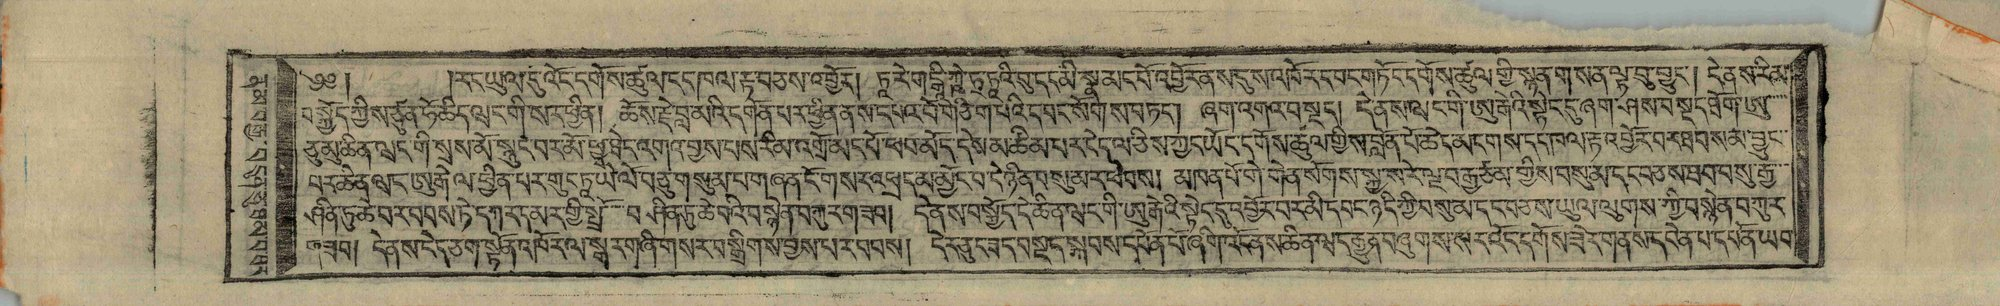༄༅། །རང་ཡུལ་དུ་འོང་དགོས་ཚུལ་དང་ཁལ་རྟ་བཅས་འབྱོར། ཏཱ་རེ་གངྒཱི་ཀྵེ་ཏྲ་ཏཱའི་བུ་དང་མི་སྣ་མང་པོ་འབྱོར་ནས་དུས་འཁོར་དབང་གཏོང་དགོས་ཚུལ་གྱི་སྙན་གསན་ལྟ་བུ་བྱུང་། དེ་ནས་རིམ་
བསྐྱོད་ཀྱིས་ཙུན་ཧོ་ཆིད་ཝང་གི་སར་ཕྱིན། ཆོས་རྗེ་བླ་མའི་དགོན་པར་ཕྱིན་ནས་དཔའ་བོ་གཅིག་པའི་དབང་སོགས་བཏང་། ཞག་འགའ་བསྡད། དེ་ནས་ཝང་གི་ཨུ་རྒེའི་སྟེང་དུ་ཞག་ཤས་བསྡད་ཐོག་ཨུ་
ཅུ་མུ་ཆིན་ཝང་གི་སྲས་མོ་སྙུང་པར་མོ་ཕྱྭ་ཐེང་འགའ་བྱས་པས་རིམ་འགྲོ་མང་པོ་ཕབ་མོད་དེས་མཚིམ་པར་ངེད་ལ་ཅིས་ཀྱང་ཡོང་དགོས་ཚུལ་གྱིས་བློན་པོ་ཆེད་མངགས་དང་ཁལ་རྟ་འབྱོར་བར་ཐབས་མ་བྱུང་
བར་ཆིན་ཝང་ཨུརྒེལ་ཕྱིན་པར་གུང་ཏཱ་ཡེ་ལོ་བཅུ་གསུམ་པ་གཞན་ངོ་གསར་འཕྲད་མ་མྱོང་བ་དེ་ཉིན་བསུ་མར་ཕེབས། མཁན་པོ་གེ་གེན་སོགས་སྐྱ་ས་རེ་ལྔ་བརྒྱ་ཙམ་གྱིས་བསུ་མ་དང་བཅས་ཐབ་བསུ་རྒྱ་
ཤིན་ཏུ་ཆེ་བར་བབས་ཏེ་དཀར་དམར་གྱི་སྤྲོ་བ་ཤིན་ཏུ་ཆེ་བའི་བསྙེན་བཀུར་གཟབ། དེ་ནས་བསྐྱོད་དེ་ཆིན་ཝང་གི་ཨུ་རྒེའི་སྟེང་དུ་འབྱོར་བར་མི་དབང་ཉིད་ཀྱི་བསུ་མ་དང་བཅས་ཡུལ་ལུགས་ཀྱི་བསྙེན་བཀུར་
གཟབ། དེ་ནས་ངེད་ཅག་སྟོན་འཁོར་ལ་སྒར་གཞི་གསར་བསྒྲིགས་བྱས་པར་བབས། དེར་ཅུང་ཟད་བསྡད་སྐབས་དཔོན་པོ་ཞིག་འོང་ནས་ཆིན་ཝང་རྒྱུན་བཞུགས་སར་འོང་དགོས་ཟེར་གནས་དབེན་པ་དཔོན་ཡབ་